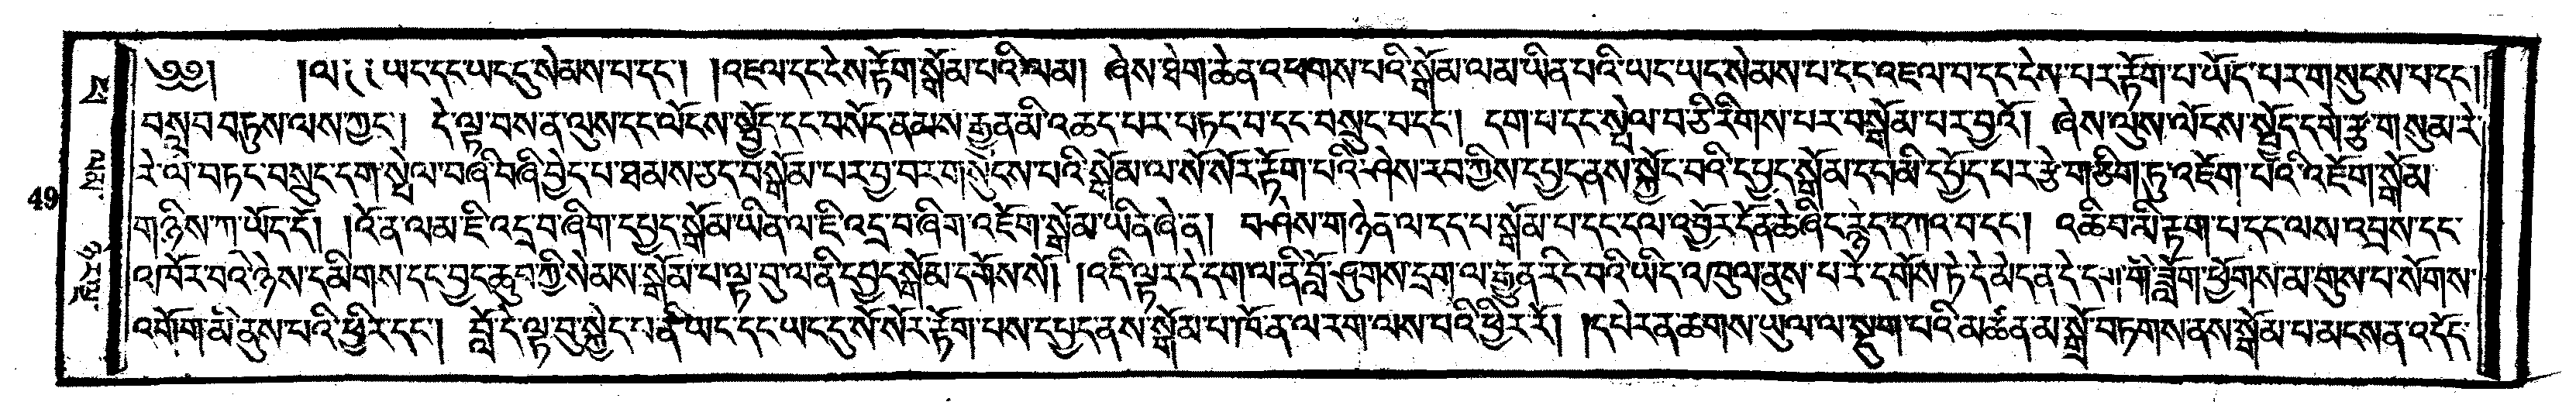༄༅། །ལ༑ ༑ཡང་དང་ཡང་དུ་སེམས་པ་དང་། །འཇལ་དང་ངེས་རྟོག་སྒོམ་པའི་ལམ། ཞེས་ཐེག་ཆེན་འཕགས་པའི་སྒོམ་ལམ་ཡིན་པའི་ཡང་ཡང་སེམས་པ་དང་འཇལ་བ་དང་ངེས་པར་རྟོག་པ་ཡོད་པར་གསུངས་པ་དང་།
བསླབ་བཏུས་ལས་ཀྱང་། དེ་ལྟ་བས་ན་ལུས་དང་ལོངས་སྤྱོད་དན་བསོད་ནམས་རྒྱུན་མི་འཆད་པར་བཏང་བ་དང་བསྲུང་བ་དང་། དག་པ་དང་སྤེལ་བ་ཅི་རིགས་པར་བསྒོམ་པར་བྱའོ། ཞེས་ལུས་ལོངས་སྤྱོད་དགེ་རྩ་གསུམ་རེ་
རེ་ལ་བཏང་བསྲུང་དག་སྤེལ་བཞི་བཞི་བྱེད་པ་ཐམས་ཅད་བསྒོམ་པར་བྱ་བར་གསུངས་པའི་སྒོམ་ལ་སོ་སོར་རྟོག་པའི་ཤེས་རབ་ཀྱིས་དཔྱད་ནས་སྐྱོང་བའི་དཔྱད་སྒོམ་དང་། མི་དཔྱོད་པར་རྩེ་གཅིག་ཏུ་འཇོག་པའི་འཇོག་པའི་འཇོག་སྒོམ་
གཉིས་ཀ་ཡོད་དོ། །འོ་ན་ལམ་ཇི་འདྲ་བ་ཞིག་དཔྱད་སྒོམ་ཡིན་ལ་ཇི་འདྲ་བ་ཞིག་འཇོག་སྒོམ་ཡིན་ཞེ་ན། བཤེས་གཉེན་ལ་དད་པ་སྒོམ་པ་དང་དལ་འབྱོར་དོན་ཆེ་ཞིང་རྙེད་དཀའ་བ་དང་། འཆི་བ་མི་རྟག་པ་དང་ལས་འབྲས་དང་
འཁོར་བའི་ཉེས་དམིགས་དང་བྱང་ཆུབ་ཀྱི་སེམས་སྒོམ་པ་ལྟ་བུ་ལ་ནི་དཔྱད་སྒོམ་དགོས་སོ། །འདི་ལྟར་དེ་དག་ལ་ནི་བློ་ཤུགས་དྲག་ལ་རྒྱུན་རིང་བའི་ཡིད་འཁྲུལ་ནུས་པ་ར་དགོས་ཏེ་དེ་མེད་ན་དེ་དག་གི་ཟློག་ཕྱོགས་མ་གུས་པ་སོགས་
འགོག་མི་ནུས་པའི་ཕྱིར་དང་། བློ་དེ་ལྟ་བུ་སྐྱེད་པའི་ཡང་དང་ཡང་དུ་སོ་སོར་རྟོག་པས་དཔྱད་ནས་སྒོམ་པ་ཁོ་ན་ལ་རག་ལས་བའི་ཕྱིར་རོ། །དཔེར་ན་ཆགས་ཡུལ་ལ་སྡུག་པའི་མཚན་མ་སྒྲོ་བཏགས་ནས་སྒོམ་པ་མངས་ན་འདོད་